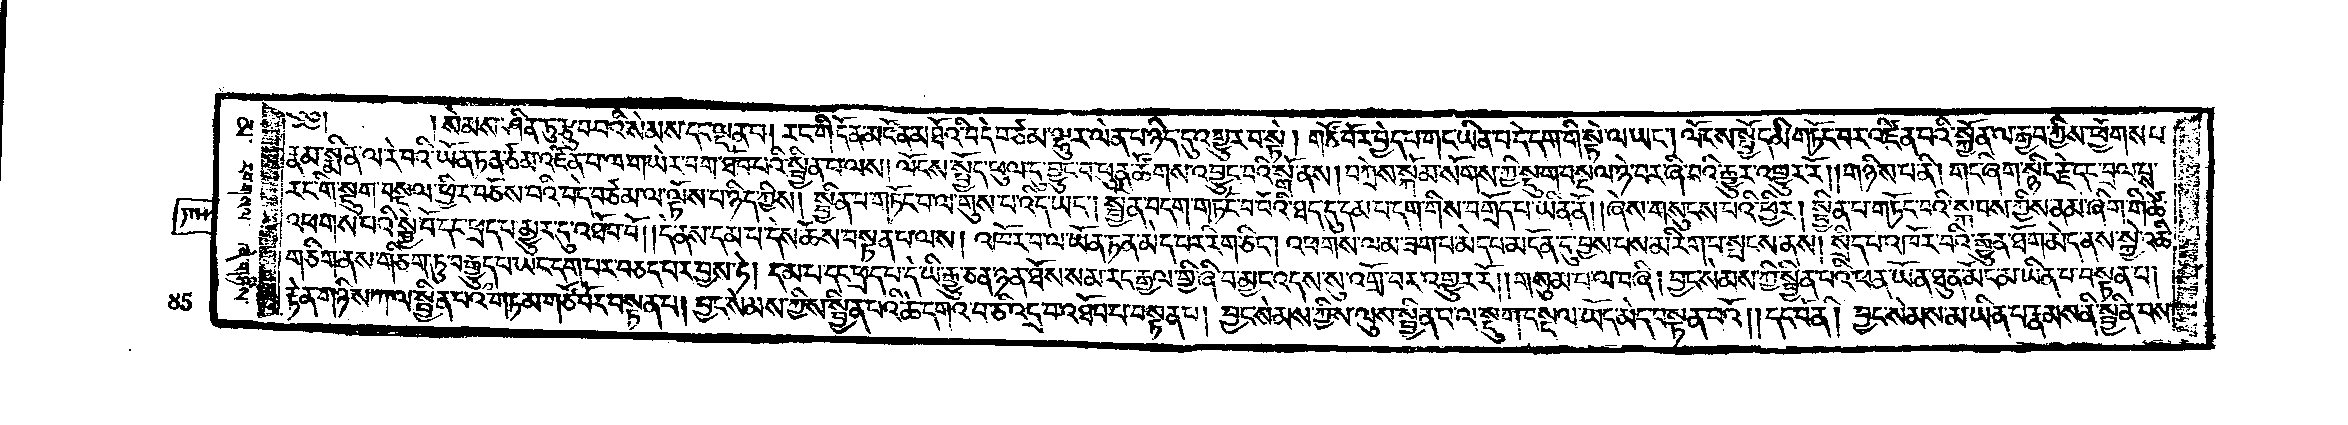༄༅། །སེམས་ཤིན་ཏུ་རྩུབ་པའི་སེམས་དང་ལྡན་པ། རང་གི་དོན་མངོན་མཐོའི་བདེ་བ་ཙམ་ལྷུར་ལེན་པ་ཉིད་དུ་འགྱུར་བ་སྟེ། གཙོ་བོར་བྱེད་པ་གང་ཡིན་པ་དེ་དག་གི་སྟེ་ལ་ཡང་། ལོངས་སྤྱོད་མི་གཏོང་བར་འཛིན་པའི་སྐྱོན་ལ་རྒྱབ་ཀྱིས་ཕྱོགས་པ་
རྣམ་སྨིན་ལ་རེ་བའི་ཡོན་ཏན་ཙམ་འཛིན་པ་ལ་གཡེར་བག་ཐོབ་པའི་སྦྱིན་པ་ལས། ལོངས་སྤྱོད་ཕུལ་དུ་བྱུང་བ་ཕུན་ཚོགས་འབྱུང་བའི་སྒོ་ནས། བཀྲེས་སྐོམ་སོགས་ཀྱི་སྡུག་བསྔལ་ཉེ་བར་ཞི་བའི་རྒྱུར་འགྱུར་རོ། །གཉིས་པ་ནི། གང་ཞིག་སྙིང་རྗེ་དང་བྲལ་བས་
རང་གི་སྡུག་བསྔལ་ཕྱིར་བཅོས་པའི་བདེ་བ་ཙམ་ལ་ལྟོས་པ་ཉིད་ཀྱིས། སྦྱིན་པ་གཏོང་པ་ལ་གུས་པ་འདི་ཡང་། སྦྱིན་བདག་གཏོང་བ་པོའི་ཐད་དུ་དམ་པ་དག་གིས་བགྲོད་པ་ཡིན་ནོ། །ཞེས་གསུངས་པའི་ཕྱིར། སྦྱིན་པ་གཏོང་བའི་སྐབས་ཀྱིས་ནམ་ཞིག་གི་ཚེ་
འཕགས་པའི་སྐྱེ་བོ་དང་ཕྲད་པ་མྱུར་དུ་འཐོབ་བོ། །དེ་ནས་དམ་པ་དེས་ཆོས་བསྟན་པ་ལས། འཁོར་བ་ལ་ཡོན་ཏན་མེད་པར་རིག་ཅིང་། འཕགས་ལམ་ཟག་པ་མེད་པ་མངོན་དུ་བྱས་པས་མ་རིག་པ་སྤངས་ནས། སྲིད་པ་འཁོར་བའི་རྒྱུན་ཐོག་མེད་ནས་སྐྱེ་འཆི་
གཅིག་ནས་གཅིག་ཏུ་བརྒྱུད་པ་ཡང་དག་པར་བཅད་པར་བྱས་ཏེ། དམ་པ་དང་ཕྲད་པ་དེ་ཡི་རྒྱུ་ཅན་ཉན་ཐོས་སམ་རང་རྒྱལ་གྱི་ཞི་བ་མྱང་འདས་སུ་འགྲོ་བར་འགྱུར་རོ། །གསུམ་པ་ལ་བཞི། བྱང་སེམས་ཀྱི་སྦྱིན་པའི་ཕན་ཡོན་ཐུན་མོང་མ་ཡིན་པ་བསྟན་པ།
རྟེན་གཉིས་ཀ་ལ་སྦྱིན་པའི་གཏམ་གཙོ་བོར་བསྟན་པ། བྱང་སེམས་ཀྱིས་སྦྱིན་པའི་ཚེ་དགའ་བ་ཅི་འདྲ་བ་འཐོབ་པ་བསྟན་པ། བྱང་སེམས་ཀྱིས་ལུས་སྦྱིན་པ་ལ་སྡུག་བསྔལ་ཡོད་མེད་བསྟན་པའོ། །དང་པོ་ནི། བྱང་སེམས་མ་ཡིན་པ་རྣམས་ནི་སྦྱིན་པས་